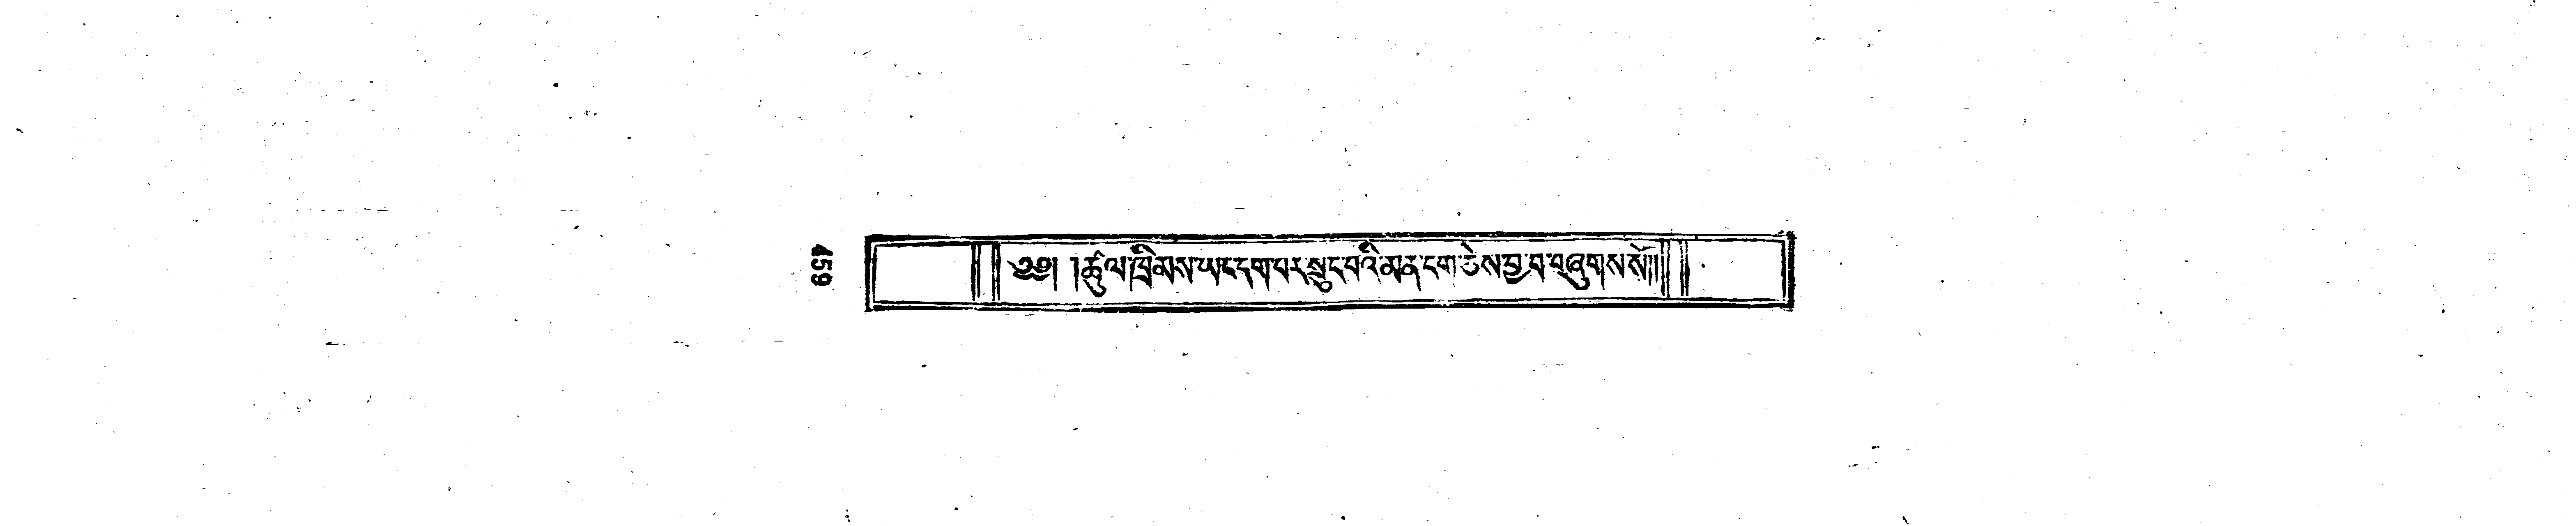༄༅། །ཚུལ་ཁྲིམས་ཡང་དག་པར་སྲུང་བའི་མན་ངག་ཅེས་བྱ་བ་བཞུགས་སོ།།